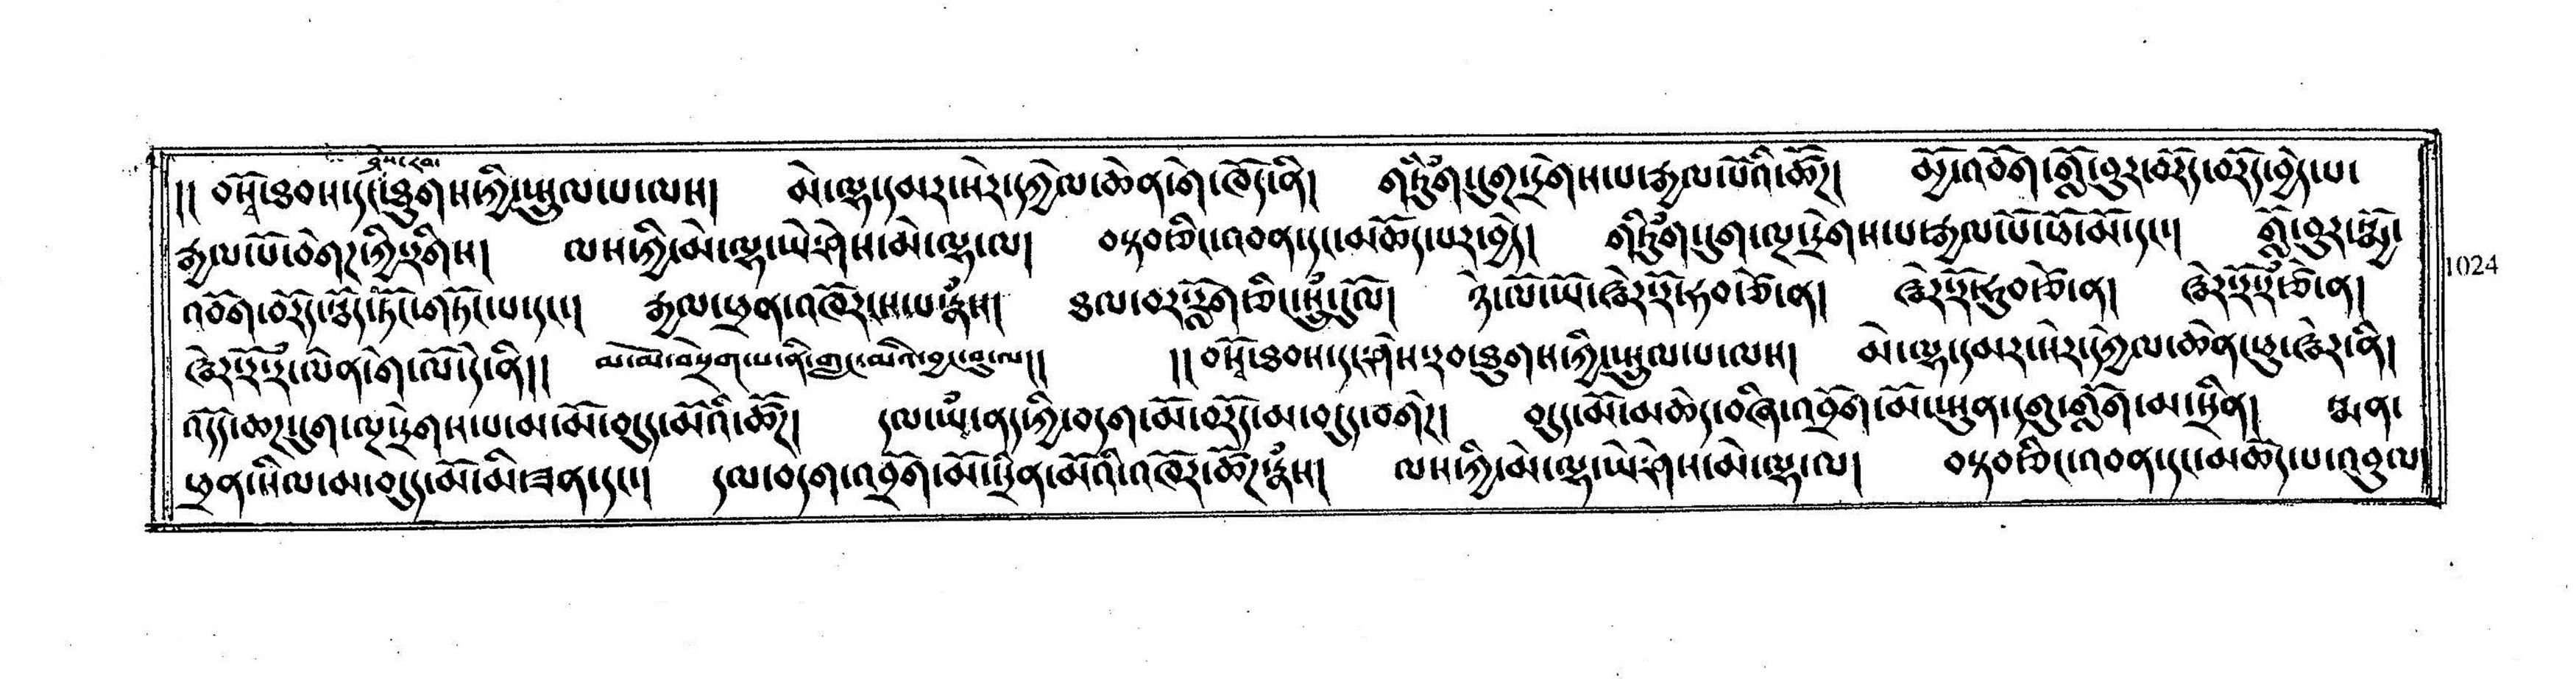བསྭོ་ཐབས་དང་ཤེས་རབ་ཐུགས་ཀྱི་སྤྲུལ་པ་ལས། མེ་ལྷ་དམར་སེར་དཀྱེལ་ཆེན་གེ་ཁོད་ནི། གཏི་མུག་དུག་ལྔ་དྲེགས་པ་རྒྱལ་པོའི་ཚོགས། མྱོ་འབོག་གློ་བུར་བར་ཆོད་བྱེད་པ་
རྒྱལ་པོ་བགེགས་ཀྱི་རིགས། ལས་ཀྱི་མེ་ལྷ་ཡེ་ཤེས་མེ་ལྷ་ལ། བསྟབ་ཅིང་འབན་དང་མཆོད་པར་བྱེད། གཏི་མུག་དུག་ལྔ་དྲེགས་པ་རྒྱལ་པོ་ཕོ་མོ་དང་། གློ་བུར་སྨྱོ་
འབོག་བར་ཆོད་སྦོད་ཏོང་གཏོང་པ་དང་། རྒྱལ་ཕྲན་འཁོར་དང་བཅས་པ་རྣམས། ཐལ་བར་རློག་ཅིང་སྲུང་དུ་གསོལ། ཉེ་ལོ་ཡོ་ཝེར་རོ་ཧབ་ཙེ་ན། ཝེར་རོ་ཧུབ་ཙེ་ན། 
ཝེར་རོ་རཾ་ཙེ་ན། ཝེར་རོ་རཾ་ལེན་གེ་ལོ་དེ་ནི།། མ་མོ་བསྲེག་པ་ནི་གླང་མའི་བྱང་བུ་ལ།། །།བསྭོ་ཐབས་དང་ཤེས་རབ་ཐུགས་ཀྱི་སྤྲུལ་པ་ལས། མེ་ལྷ་དམར་སེར་དཀྱེལ་ཆེན་ཕུ་ཝེར་ནི། 
འདོད་ཆགས་དུག་ལྔ་དྲེགས་པ་མ་མོ་བདུད་མོའི་ཚོགས། དལ་ཡཾ་ནད་ཀྱི་བདག་མོ་བར་ཆོད་མ་བདུད་བགེགས། བདུད་མོ་མཆེད་བཞི་འབྲོག་མོ་སྤུན་དགུ་གློག་མ་སྲིན། སྨན་
ཕྲན་སིལ་མ་བདུད་མོ་མི་ཟན་དང་། དལ་བདག་འབྲོག་མོ་སྲིན་མོའི་འཁོར་ཚོགས་རྣམས། ལས་ཀྱི་མེ་ལྷ་ཡེ་ཤེས་མེ་ལྷ་ལ། བསྟབ་ཅིང་འབན་དང་མཆོད་པ་འབུལ།